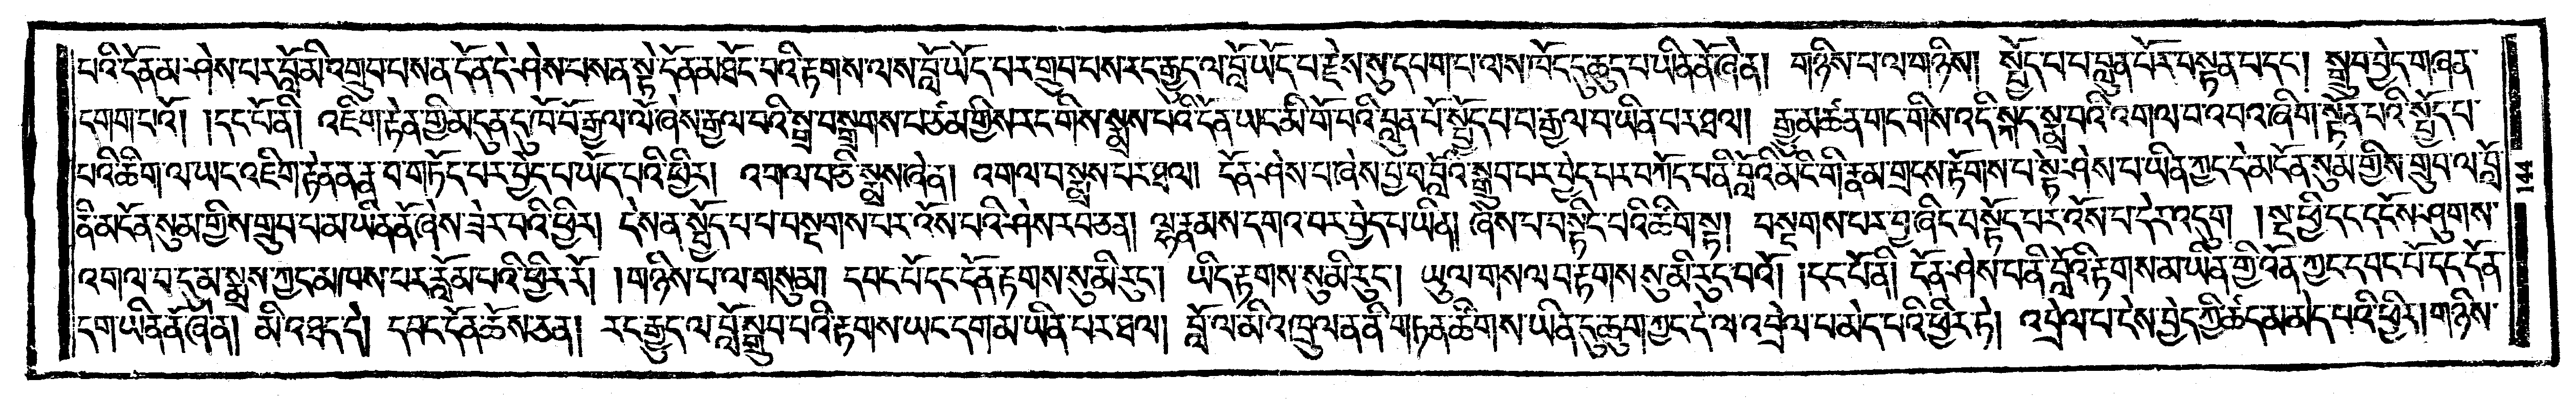པའི་དོན་མ་ཤེས་པར་བློ་མི་འགྲུབ་པས་ན་དོན་དེ་ཤེས་པས་ན་སྟེ་དོན་མཐོང་བའི་རྟགས་ལས་བློ་ཡོད་པར་གྲུབ་པས་རང་རྒྱུད་ལ་བློ་ཡོད་པ་རྗེས་སུ་དཔག་པ་ལས་ཁོང་དུ་ཆུད་པ་ཡིན་ནོ་ཞེ་ན། གཉིས་པ་ལ་གཉིས། སྤྱོད་པ་པ་བླུན་པོར་བསྟན་པ་དང་། སྒྲུབ་བྱེད་གཞན་
དགག་པའོ། །དང་པོ་ནི། འཇིག་རྟེན་གྱི་མདུན་དུ་ཁོ་བོ་རྒྱལ་ལོ་ཞེས་རྒྱལ་བའི་སྒྲ་བསྒྲགས་པ་ཙམ་གྱིས་རང་གིས་སྨྲས་པའི་དོན་ཡང་མི་གོ་བའི་བླུན་པོ་སྤྱོད་པ་པ་རྒྱལ་བ་ཡིན་པར་ཐལ། རྒྱུ་མཚན་གང་གིས་འདི་སྐད་སྨྲ་བའི་འགལ་བ་འབའ་ཞིག་སྟོན་པའི་སྤྱོད་པ་
པའི་ཚིག་ལ་ཡང་འཇིག་རྟེན་ན་རྣ་བ་གཏོད་པར་བྱེད་པ་ཡོད་པའི་ཕྱིར། འགལ་བ་ཅི་སྨྲས་ཞེ་ན། འགལ་བ་སྨྲས་པར་ཐལ། དོན་ཤེས་པ་ཞེས་བྱ་བ་བློའི་སྒྲུབ་པར་བྱེད་པར་བཀོད་པ་ནི་བློའི་མིང་གི་རྣམ་གྲངས་རྟོགས་པ་སྟེ་ཤེས་པ་ཡིན་ཀྱང་དེ་མངོན་སུམ་གྱིས་གྲུབ་ལ་བློ་
ནི་མངོན་སུམ་གྱིས་གྲུབ་པ་མ་ཡིན་ནོ་ཞེས་ཟེར་བའི་ཕྱིར། དེས་ན་སྤྱོད་པ་པ་བསྔགས་པར་འོས་པའི་ཤེས་རབ་ཅན། ལྷ་རྣམས་དགའ་བར་བྱེད་པ་ཡིན། ཞེས་པ་བསྟིང་པའི་ཚིག་སྟ། བསྔགས་པར་བྱ་ཞིང་བསྟོད་པར་འོས་པ་དེར་འདུག །སྔ་ཕྱི་དང་དངོས་ཤུགས་
འགལ་བ་དུ་མ་སྨྲས་ཀྱང་མཁས་པར་རློམ་པའི་ཕྱིར་རོ། །གཉིས་པ་ལ་གསུམ། དབང་པོ་དང་དོན་རྟགས་སུ་མི་རུང་། ཡིད་རྟགས་སུ་མི་རུང་། ཡུལ་གསལ་བ་རྟགས་སུ་མི་རུང་བའོ། །དང་པོ་ནི། དོན་ཤེས་པ་ནི་བློའི་རྟགས་མ་ཡིན་གྱི་འོན་ཀྱང་དབང་པོ་དང་དོན་
དག་ཡིན་ནོ་ཞེ་ན། མི་འཐད་དེ། དབང་དོན་ཆོས་ཅན། རང་རྒྱུད་ལ་བློ་སྒྲུབ་པའི་རྟགས་ཡང་དག་མ་ཡིན་པར་ཐལ། བློ་ལ་མི་འཁྲུལ་ན་ནི་གཏན་ཚིགས་ཡིན་དུ་ཆུག་ཀྱང་དེ་ལ་འབྲེལ་པ་མེད་པའི་ཕྱིར་ཏེ། འབྲེལ་པ་ངེས་བྱེད་ཀྱི་ཚད་མ་མེད་པའི་ཕྱིར། གཉིས་